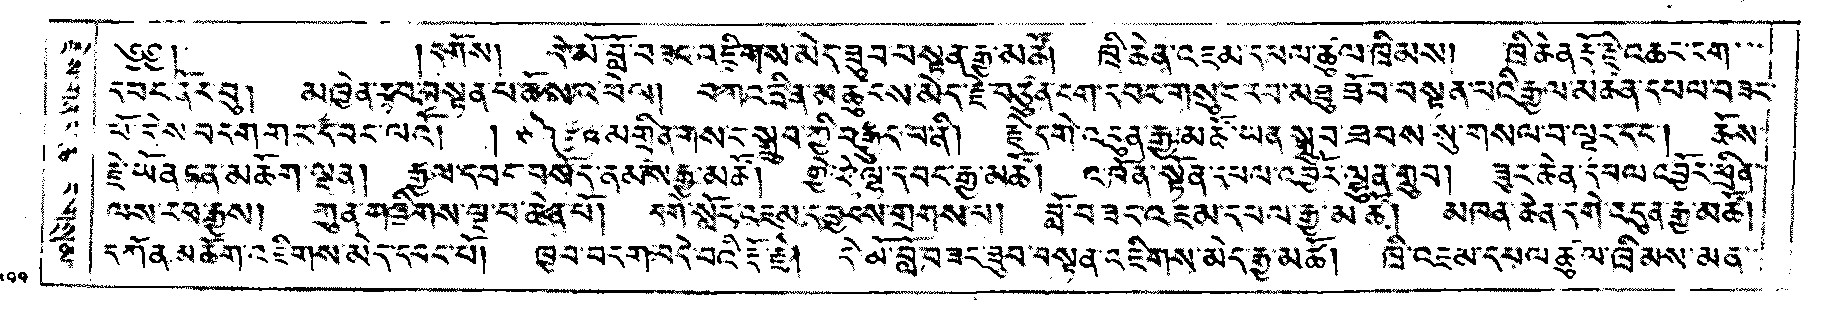༄༅། །དགོས། དེ་མོ་བློ་བཟང་འཇིགས་མེད་ཐུབ་བསྟན་རྒྱ་མཚོ། ཁྲི་ཆེན་འཇམ་དཔལ་ཚུལ་ཁྲིམས། ཁྲི་ཆེན་རྡོ་རྗེ་འཆང་ངག་དབང་ནོར་བུ། མཁྱེན་རབ་བསྟན་པ་ཆོས་འཕེལ། བཀའ་དྲིན་མཚུངས་མེད་རྗེ་བཙུན་ངག་དབང་གསུང་རབ་མཐུ་ཐོབ་བསྟན་པའི་རྒྱལ་མཚན་དཔལ་བཟང་
པོ་དེས་བདག་གར་དབང་ལའོ། །༤?་རྟ་མགྲིན་གསང་སྒྲུབ་ཀྱི་བརྒྱུད་པ་ནི། རྗེ་དགེ་འདུན་རྒྱ་མཚོ་ཡན་སྒྲུབ་ཐབས་སུ་གསལ་བ་ལྟར་དང་། ཆོས་
རྗེ་ཡོན་ཏན་མཆོག་ལྡན། རྒྱལ་དབང་བསོད་ནམས་རྒྱ་མཚོ། གྱེ་རེ་ལྷ་དབང་རྒྱ་མཚོ། འཁོན་སྟོན་དཔལ་འབྱོར་ལྷུན་གྲུབ། ཟུར་ཆེན་དཔལ་འབྱོར་ཕྲིན་
ལས་རབ་རྒྱས། ཀུན་གཟིགས་ལྔ་པ་ཆེན་པོ། དགེ་སློང་འཇམ་དབྱངས་གྲགས་པ། བློ་བཟང་འཇམ་དཔལ་རྒྱ་མཚོ། མཁན་ཆེན་དགེ་འདུན་རྒྱ་མཚོ།
དཀོན་མཆོག་འཇིགས་མེད་དབང་པོ། ཁྱབ་བདག་བདེ་བའི་རྡོ་རྗེ། དེ་མོ་བློ་བཟང་ཐུབ་བསྟན་འཇིགས་མེད་རྒྱ་མཚོ། ཁྲི་འཇམ་དཔལ་ཚུལ་ཁྲིམས་མན་